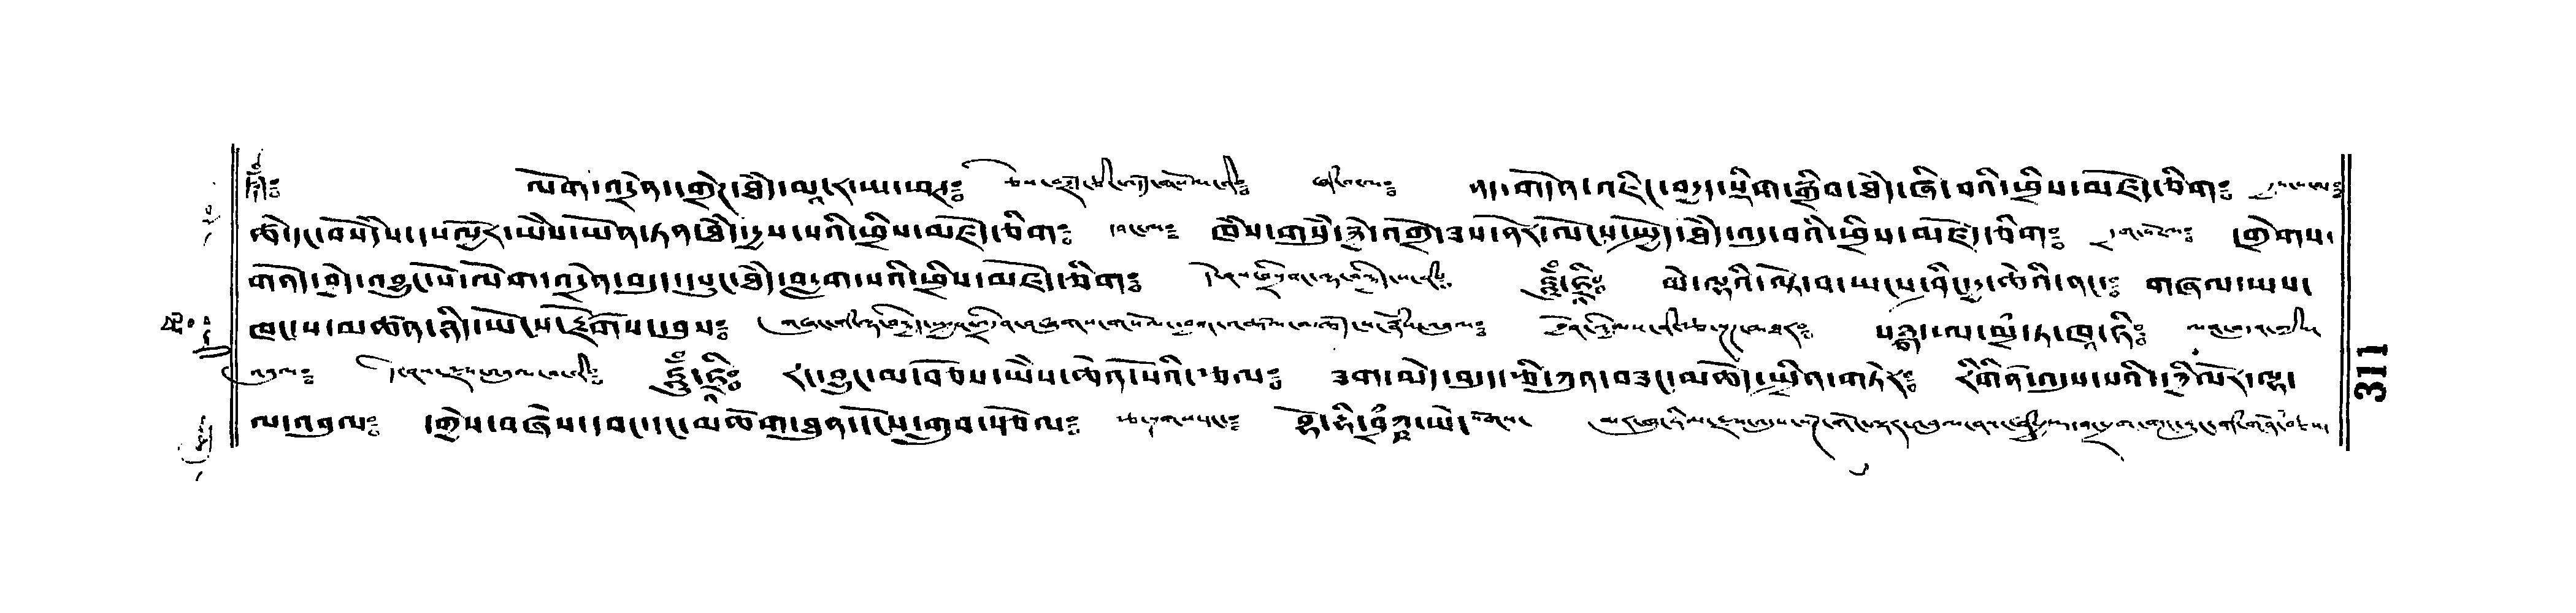ལོག་འདྲེན་དགྲ་བགེགས་ཐམས་ཅད་མཱ་ར་ཡ་ཕཊ༔ ཅེས་བརྗོད་ཅིང་འདོད་གསོལ་ནི༔ ཞི་བ་ལ༔ ནད་གདོན་འཇིགས་བརྒྱད་སྡིག་སྒྲིབ་ཐམས་ཅད་ཞི་བའི་ཕྲིན་ལས་མཛོད་ཅིག༔ རྒྱས་པ་ལ༔ 
ཚེ་དང་བསོད་ནམས་དཔལ་འབྱོར་ཡེ་ཤེས་ཡོན་ཏན་ཐམས་ཅད་རྒྱས་པའི་ཕྲིན་ལས་མཛོད་ཅིག༔ དབང་ལ༔ ཁམས་གསུམ་སྐྱེ་འགྲོ་ཟས་ནོར་ལོངས་སྤྱོད་ཐམས་ཅད་འདུ་བའི་ཕྲིན་ལས་མཛོད་ཅིག༔ དྲག་པོ་ལ༔ དགྲ་བགེགས་
གནོད་བྱེད་འབྱུང་པོ་ལོག་འདྲེན་བདུད་དཔུང་ཐམས་ཅད་བརླག་པའི་ཕྲིན་ལས་མཛོད་ཅིག༔ དེ་ནས་བསྲེག་ལྷ་བསྐྱེད་པ་ནི༔ ཧཱུྃ་ཧྲཱིཿ མེ་ལྷའི་ལྟོ་བ་ཡངས་ཤིང་རྒྱ་ཆེའི་ནང༔ གཞལ་ཡས་
ཁང་པ་མཚན་ཉིད་ཡོངས་རྫོགས་དབུས༔ གཞུང་གི་ལྷ་བསྐྱེད་སྤྱན་འདྲེན་བཞུགས་གསོལ་ཕྱག་འཚལ་མཆོད་པ་རྣམས་འབུལ༔བྱོན་སྐྱེམས་ནི་རྩ་སྔགས་མཐར༔ པཉྩ་ཨ་མྲྀ་ཏ་ཁཱ་ཧི༔ ལན་བདུན་གྱིས་
འབུལ༔ དེ་ནས་རྫས་འབུལ་བ་ནི༔ ཧཱུྃ་ཧྲཱིཿ རང་བྱུང་མ་བཅོས་ཡེ་ཤེས་ཆེན་པོའི་རྩལ༔ ཟག་མེད་བདུད་རྩི་ཀུན་བཟང་མཆོད་སྤྲིན་གཏེར༔ རིག་འཛིན་འདུས་པའི་དཀྱིལ་འཁོར་ལྷ་
ལ་འབུལ༔ དགྱེས་བཞེས་དབང་དང་མཆོག་ཐུན་དངོས་གྲུབ་སྩོལ༔ རྩ་སྔགས་དང༔ བྷོ་དྷི་བྲྀཀྵ་ཡེ་སོགས༔ མར་ཁུ་ཏིལ་རྫས་འདུས་སོགས་གོང་ལྟར་འབུལ་ནས་ཞི་རྒྱས་དབང་དྲག་གང་རུང་གི་གཤམ་བཅས་